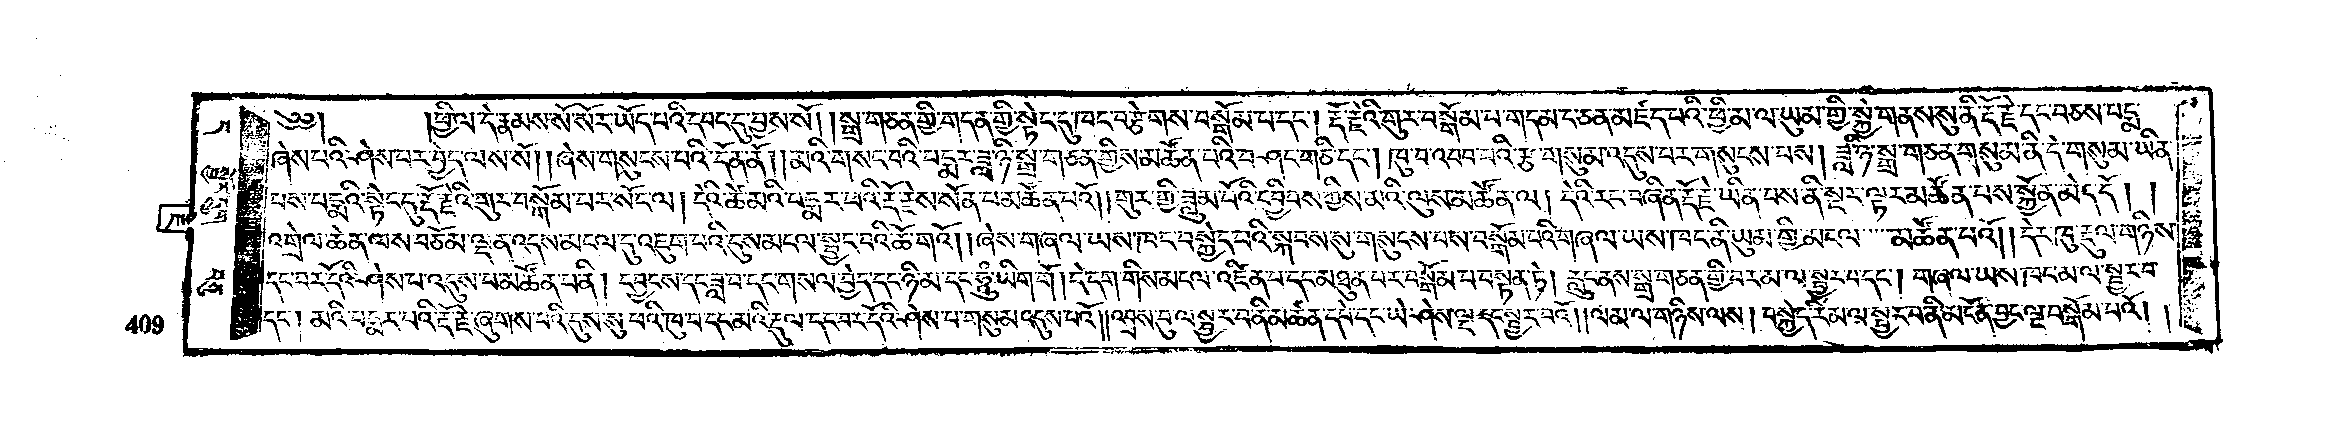༄༅། །ཕྱི་ལ་དེ་རྣམས་སོ་སོར་ཡོད་པའི་དབང་དུ་བྱས་སོ། །སྒྲ་གཅན་གྱི་གདན་གྱི་སྟེང་དུ་ཁང་བརྩེགས་བསྒོམ་པ་དང་། རྡོ་རྗེའི་གུར་བསྒོམ་པ་གདམ་ང་ཅན་མཛད་པའི་ཕྱི་མ་ལ་ཡུམ་གྱི་སྐྱེ་གནས་སུ་ནི་རྡོ་རྗེ་དང་བཅས་པདམ་
ཞེས་པའི་ཤེས་པར་བྱེད་ལས་སོ། །ཞེས་གསུངས་པའི་དོན་ནོ། །མའི་གསང་བའི་པདམར་ཟླ་ཉི་སྒྲ་གཅན་གྱིས་མཚོན་པའི་བཤད་གཅི་དང་། ཁུ་བ་འབབ་པའི་རྩ་གསུམ་འདུས་པར་གསུངས་པས། ཟླ་ཉི་སྒྲ་གཅན་གསུམ་ནི་དེ་གསུམ་ཡིན་
པས་པདམའི་སྟེང་དུ་རྡོ་རྗེའི་གུར་བསྒོམ་པར་སོང་ལ། དེའི་ཚེ་མའི་པདམར་ཕའི་རྡོ་རྗེས་སོན་པ་མཚོན་པའོ། །གུར་གྱི་ཟླུམ་པོའི་དབྱིབས་ཀྱིས་མའི་ལུས་མཚོན་ལ། དེའི་རང་བཞིན་རྡོ་རྗེ་ཡིན་པས་ནི་སྔར་ལྟར་མཚོན་པས་སྐྱོན་མེད་དོ། །
འགྲེལ་ཆེན་ལས་བཅོམ་ལྡན་འདས་མངལ་དུ་འཇུག་པའི་དུས་མངལ་སྦྱང་བའི་ཆོ་གའོ། །ཞེས་གཞལ་ཡས་ཁང་བསྐྱེད་པའི་སྐབས་སུ་གསུངས་པས་བསྒོམ་པའི་གཞལ་ཡས་ཁང་ནི་ཡུམ་གྱི་མངལ་མཚོན་པའོ། །དེར་ཁུ་རྡུལ་གཉིས་
དང་བར་དོའི་ཤེས་པ་འདུས་པ་མཚོན་པ་ནི། དབྱངས་དང་ཟླ་བ་དང་གསལ་བྱེད་དང་ཉི་མ་དང་ཧཱུཾ་ཡིག་གོ། དེ་དག་གིས་མངལ་འཛིན་པ་དང་མཐུན་པར་བསྒོམ་པ་བསྟན་ཏེ། རླུང་ནས་སྒྲ་གཅན་གྱི་བར་མ་ལ་སྦྱར་བ་དང་། གཞལ་ཡས་ཁང་མ་ལ་སྦྱར་བ་
དང་། མའི་པདམར་པའི་རྡོ་རྗེ་ཞུགས་པའི་དུས་སུ་ཕའི་ཁུ་བ་དང་མའི་རྡུལ་དང་བར་དོའི་ཤེས་པ་གསུམ་འདུས་པའོ། །འབྲས་བུ་ལ་སྦྱར་བ་ནི་མཚན་དཔེ་དང་ཡེ་ཤེས་ལྔ་དང་སྦྱར་བའོ། །ལམ་ལ་གཉིས་ལས། བསྐྱེད་རིམ་ལ་སྦྱར་བ་ནི་མངོན་བྱང་ལྔ་བསྒོམ་པའོ། །